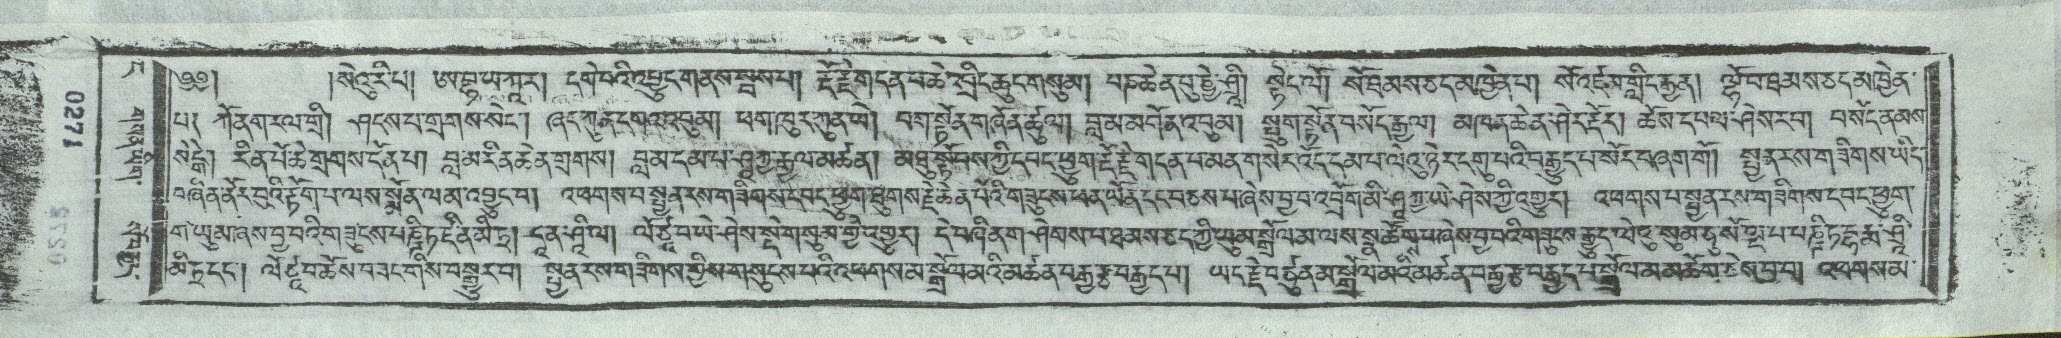༄༅། །སེའུ་རི་པ། ཨ་བྷ་ཡ་ཀཱ་ར། དགེ་བའི་འབྱུང་གནས་སྤངས། རྡོ་རྗེ་གདན་པ་ཆེ་འབྲིང་ཆུང་གསུམ། པཎ་ཆེན་པུ་ཎྱེ་ཤྲཱི། སྟེང་ལོ། སོ་ཐམས་ཅད་མཁྱེན་པ། སོ་འཛམ་གླིང་རྒྱན། ལྷོ་བ་ཐམས་ཅད་མཁྱེན་
པ༑ ཀོན་ག་རལ་གྲི། ཤངས་པ་གྲགས་སེང་། ཞང་ཀུན་དགའ་འབུམ། ཕག་ཁུར་ཀུན་ཡེ། བག་སྟོན་གཞོན་ཚུལ། བླ་མ་མགོན་འབུམ། སྤུག་སྟོན་བསོད་རྒྱལ། མཁན་ཆེན་ཤེར་རྡོར། ཆོས་དཔལ་ཤེས་རབ། བསོད་ནམས་
སེངྒེ། རིན་པོ་ཆེ་གྲགས་དོན་པ། བླ་མ་རིན་ཆེན་གྲགས། བླ་མ་དམ་པ་ཤཱཀྱ་རྒྱལ་མཚན། མཐུ་སྟོབས་ཀྱི་དབང་ཕྱུག་རྡོ་རྗེ་གདན་པ་མན་གསེར་འོད་དམ་པ་ལེའུ་ཉེར་དགུ་པའི་བརྒྱུད་པ་སོར་བཞག་གོ། སྤྱན་རས་གཟིགས་ཡིད་
བཞིན་ནོར་བུའི་རྟོག་པ་ལས་སྨོན་ལམ་འབྱུང་བ། འཕགས་པ་སྤྱན་རས་གཟིགས་དབང་ཕྱུག་ཐུགས་རྗེ་ཆེན་པོའི་གཟུངས་ཕན་ཡོན་དང་བཅས་པ་ཞེས་བྱ་བ་འབྲོག་མི་ཤཱཀྱ་ཡེ་ཤེས་ཀྱི་འགྱུར། འཕགས་པ་སྤྱན་རས་གཟིགས་དབང་ཕྱུག་
གཡུམ་ཞས་བྱ་བའི་གཟུངས་པཎྜི་ཏ་ཛིན་མི་ཏྲ། དཱ་ན་ཤཱི་ལ། ལོ་ཙཱ་བ་ཡེ་ཤེས་སྡེ་གསུམ་གྱི་འགྱུར། དེ་བཞིན་གཤེགས་པ་ཐམས་ཅད་ཀྱི་ཡུམ་སྒྲོལ་མ་ལས་སྣ་ཚོགས་པ་ཞེས་བྱ་བའི་གཟུངས་རྒྱུད་ལེའུ་སུམ་ཅུ་སོ་ལྔ་པ་པཎྜི་ཏ་དྷརྨ་ཤྲཱི་
མི་ཏྲ་དང་། ལོ་ཙཱ་བ་ཆོས་བཟང་གིས་བསྒྱུར་བ། སྤྱན་རས་གཟིགས་གྱིས་གསུངས་པའི་འཕགས་མ་སྒྲོལ་མའི་མཚན་བརྒྱ་རྩ་བརྒྱད་པ། ཡང་རྗེ་བཙུན་མ་སྒྲོལ་མའི་མཚན་བརྒྱ་རྩ་བརྒྱད་པ་སྒྲོལ་མ་མཆོག་ཅེས་བྱ་བ། འཕགས་མ་